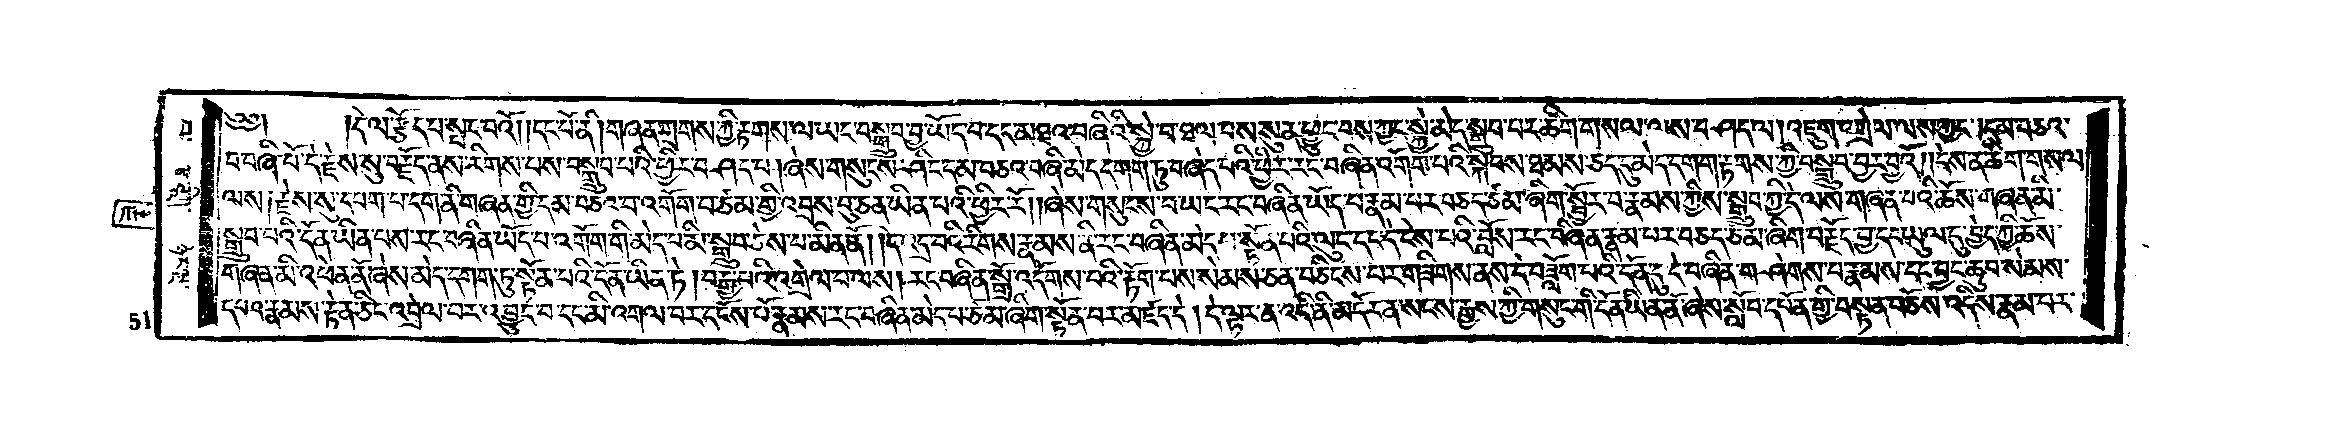༄༅། །དེ་ལ་རྩོད་པ་སྤང་བའོ། །དང་པོ་ནི། གཞན་གྲགས་ཀྱི་རྟགས་ལ་ཡང་བསྒྲུབ་བྱ་ཡོད་པ་དང་མཐའ་བཞིའི་སྐྱེ་བ་ཐལ་བས་སུན་ཕྱུང་བས་ཀྱང་སྐྱེ་མེད་སྒྲུབ་པར་ཚིག་གསལ་ལས་བཤད་ལ། འཇུག་འགྲེལ་ལས་ཀྱང་། དམ་བཅའ་
བ་བཞི་པོ་དེ་རྗེས་སུ་བརྗོད་ནས་རིགས་པས་བསྒྲུབ་པའི་ཕྱིར་བཤད་པ། ཞེས་གསུངས་ཤིང་དམ་བཅའ་བཞི་མེད་དགག་ཏུ་བཞེད་པའི་ཕྱིར་རང་བཞིན་འགོག་པའི་སྐབས་ཐམས་ཅད་དུ་མེད་དགག་རྟགས་ཀྱི་བསྒྲུབ་བྱར་བྱའོ། །དེས་ན་ཚིག་གསལ་
ལས༑ རྗེས་སུ་དཔག་པ་དག་ནི་གཞན་གྱི་དམ་བཅའ་བ་འགོག་པ་ཙམ་གྱི་འབྲས་བུ་ཅན་ཡིན་པའི་ཕྱིར་རོ། །ཞེས་གསུངས་པ་ཡང་རང་བཞིན་ཡོད་པ་རྣམ་པར་བཅད་ཙམ་ཞིག་སྦྱོར་བ་རྣམས་ཀྱིས་སྒྲུབ་ཀྱི་དེ་དེ་ལས་གཞན་པའི་ཆོས་གཞན་མི་
སྒྲུབ་པའི་དོན་ཡིན་པས་རང་བཞིན་ཡོད་པ་འགོག་གི་མེད་པ་མི་སྒྲུབ་ཅེས་པ་མིན་ནོ། །དེ་འདྲ་བའི་རིགས་རྣམས་ནི་རང་བཞིན་མེད་པ་སྟོན་པའི་ལུང་དང་དེ་ངེས་པའི་བློས་རང་བཞིན་རྣམ་པར་བཅད་ཙམ་ཞིག་བརྗོད་བྱ་དང་ཡུལ་དུ་བྱེད་ཀྱི་ཆོས་
གཞན་མི་འཕེན་ནོ་ཞེས་མེད་དགག་ཏུ་སྟོན་པའི་དོན་ཡིན་ཏེ། བརྒྱ་པའི་འགྲེལ་པ་ལས། རང་བཞིན་སྒྲོ་འདོགས་པའི་རྟོག་པས་སེམས་ཅན་བཅིངས་པར་གཟིགས་ནས་དེ་བཟློག་པའི་དོན་དུ་དེ་བཞིན་གཤེགས་པ་རྣམས་དང་བྱང་ཆུབ་སེམས་
དཔའ་རྣམས་རྟེན་ཅིང་འབྲེལ་བར་འབྱུང་བ་དང་མི་འགལ་བར་དངོས་པོ་རྣམས་རང་བཞིན་མེད་པ་ཙམ་ཞིག་སྟོན་པར་མཛད་དེ། དེ་ལྟར་ན་འདི་ནི་མདོར་ན་སངས་རྒྱས་ཀྱི་གསུང་གི་དོན་ཡིན་ནོ་ཞེས་སློབ་དཔོན་གྱི་བསྟན་བཅོས་འདིས་རྣམ་པར་